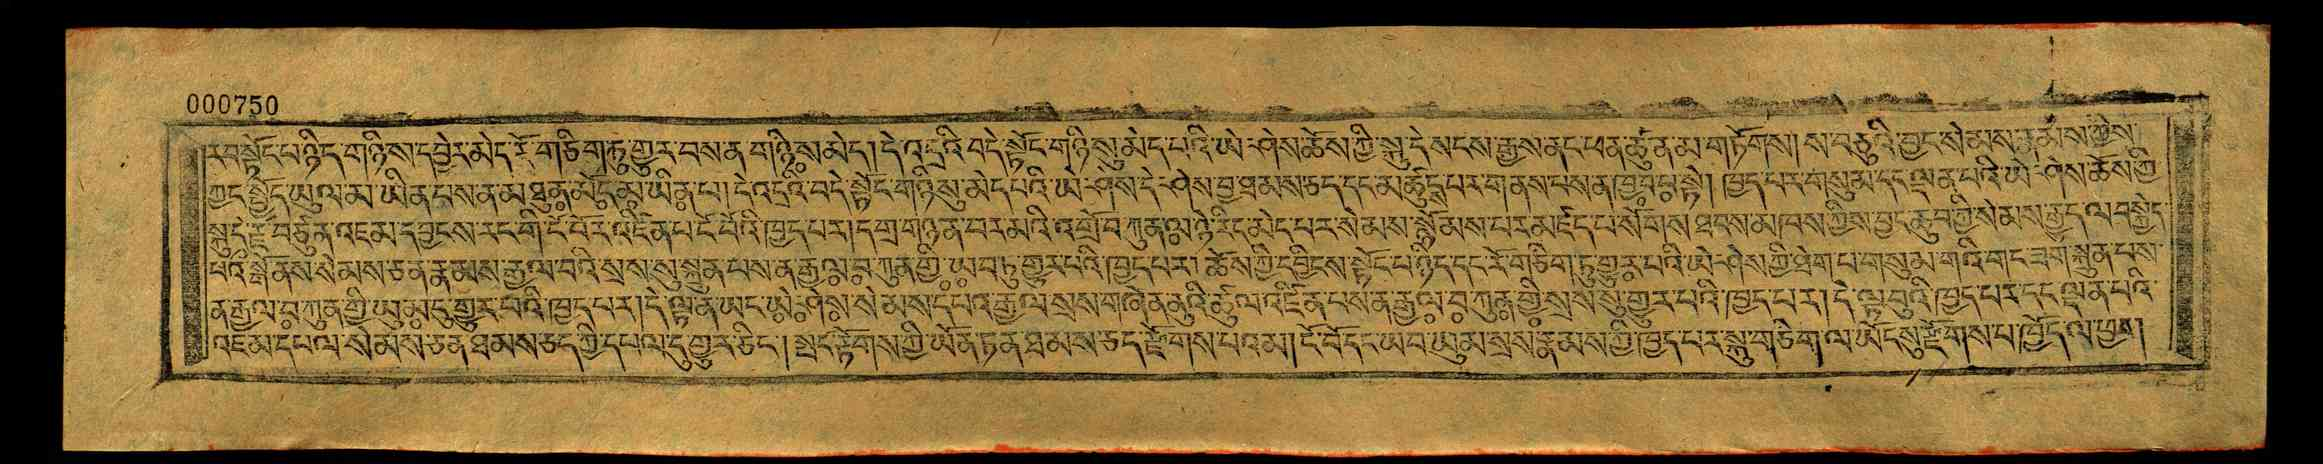རབ་སྟོང་པ་ཉིད་གཉིས་དབྱེར་མེད་རོ་གཅིག་ཏུ་གྱུར་པས་ན་གཉིས྾་མེད྾། དེ་འདྲའི་བདེ་སྟོང་གཉིས་སུ་མེད་པའི་ཡེ་ཤེས་ཆོས་ཀྱི་སྐུ་དེ་སངས་རྒྱས་ནང་ཕན་ཚུན་མ་གཏོགས། ས་བཅུའི་བྱང་སེམས་རྣམས་ཀྱིས་
ཀྱང་སྤྱོད་ཡུལ་མ་ཡིན་པས་ན་མཐུན྾་མོང྾་མ྾་ཡིན྾་པ། དེ་འདྲའི་བདེ་སྟོང་གཉིས་སུ་མེད་པའི་ཡེ་ཤེས་དེ་ཤེས་བྱ་ཐམས་ཅད་དང་མཚུངས་པར་གནས་པས་ན་ཁྱབ་པ྾་སྟེ། ཁྱད་པར་གསུམ་དང་ལྡན་པའི་ཡེ་ཤེས་ཆོས་ཀྱི་
སྐུ྾་དེ་རྗེ་བཙུན་འཇམ་དབྱངས་རང་གི་ངོ་བོར་འཛིན་པ་ངོ་བོའི་ཁྱད་པར། དགྲ་གཉེན་བར་མའི་འགྲོ་བ་ཀུན྾་ལ྾་ཉེ་རིང་མེད་པར་སེམས་སྙོམས྾་པར་མཛད་པ་སོགས་ཐབས་མཁས་ཀྱིས་བྱང་ཆུབ་ཀྱི་སེམས་རྒྱུད་ལ་བསྐྱེད་
པའི་སྒོ་ནས་སེམས་ཅན་རྣམས་རྒྱལ་བའི་སྲས་སུ་སྐྲུན་པས་ན་རྒྱལ྾་བ྾་ཀུན྾་གྱི྾་ཡབ྾་ཏུ་གྱུར་པའི་ཁྱད་པར། ཆོས྾་ཀྱི྾་དབྱིངས྾་སྟོང་པ་ཉིད་དང་རོ་གཅིག་ཏུ་གྱུར྾་པའི་ཡེ་ཤེས་ཀྱི་ཐེག་པ་གསུམ་གའི་གང་ཟག་སྐྲུན་པས་
ན་རྒྱལ་བ་ཀུན྾་གྱི་ཡུམ྾་དུ་གྱུར་བའི་ཁྱད་པར། དེ་ལྟ་ན་ཡང་ཡེ྾་ཤེས྾་སེམས྾་དཔའ྾་རྒྱལ་སྲས་གཞོན་ནུའི་ཚུལ་འཛིན་པས་ན་རྒྱལ྾་བ྾་ཀུན྾་གྱི྾་སྲས྾་སུ་གྱུར་པའི་ཁྱད་པར། དེ་ལྟ་བུའི་ཁྱད་པར་དང་ལྡན་པའི་
འཇམ྾་དཔལ྾་སེམས་ཅན་ཐམས་ཅད་ཀྱི་དཔལོ་དུ་གྱུར྾་ཅིང་། སྤང་རྟོགས་ཀྱི་ཡོན་ཏན་ཐམས་ཅད་རྫོགས་པའམ་ངོ་བོ་དང་ཡབ་ཡུམ་སྲས་རྣམས་ཀྱི་ཁྱད་པར་སྐུ་གཅིག་ལ་ཡོངས་སུ་རྫོགས྾་པ྾་ཁྱོད྾་ལ་ཕྱག྾་